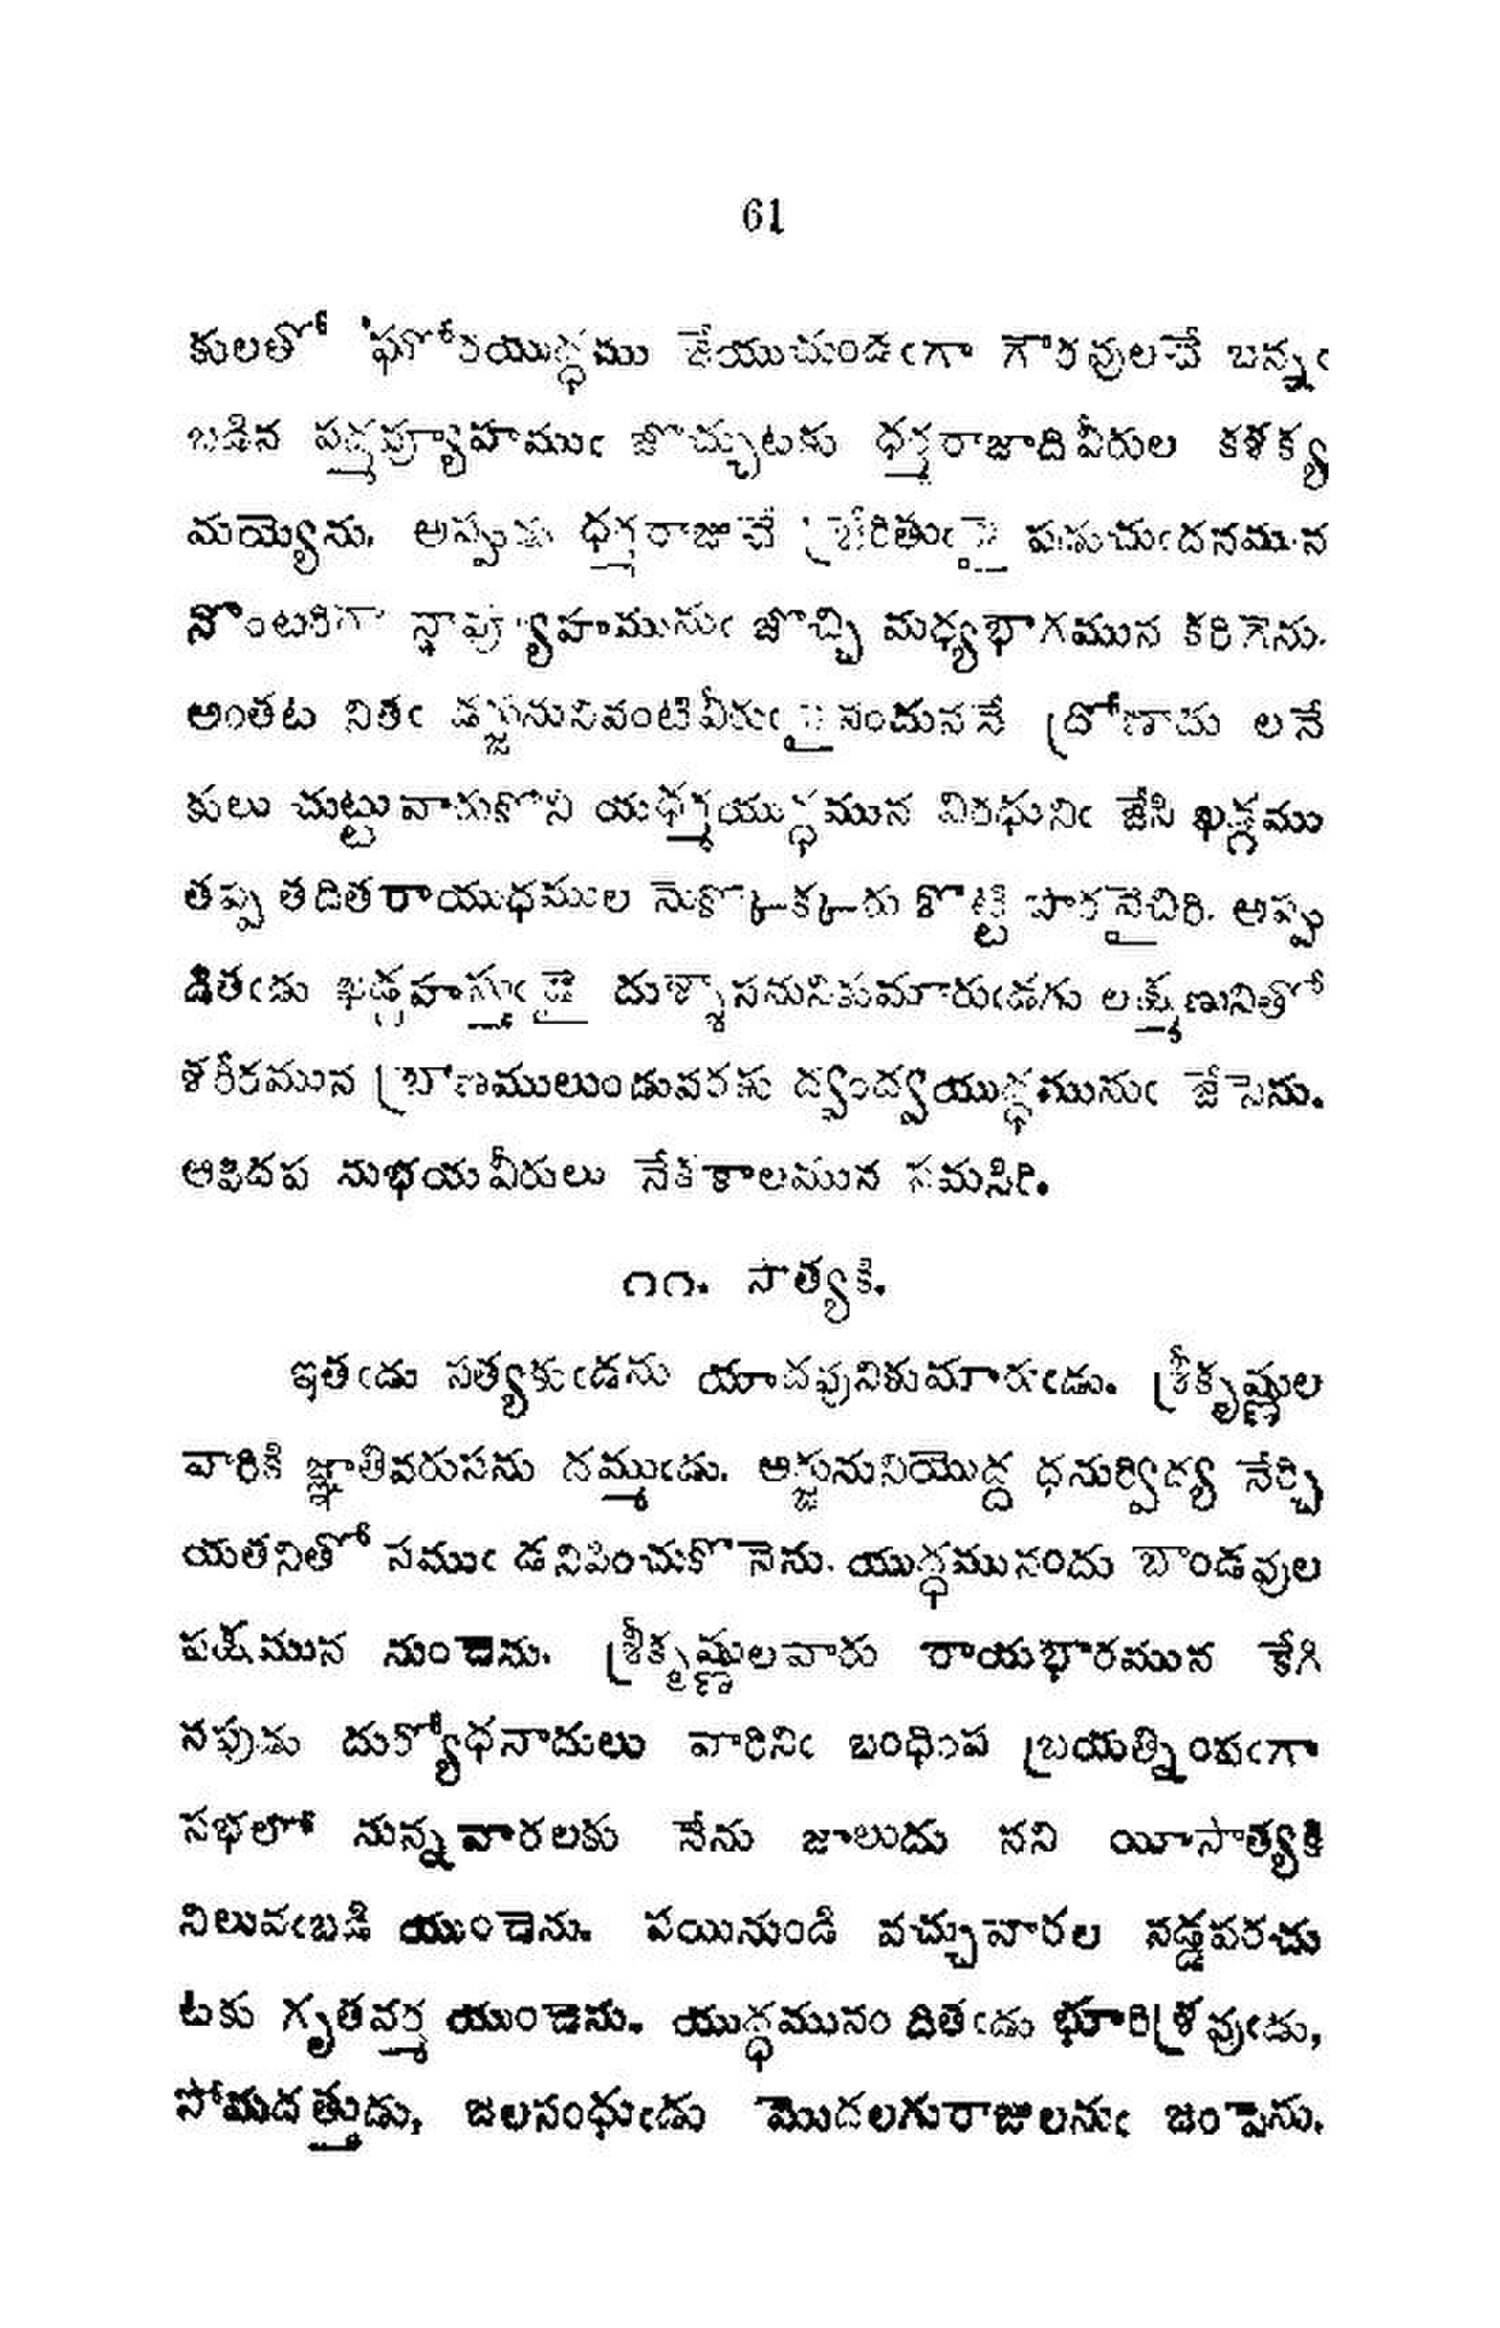కులతో ఘోరయుద్ధము చేయుచుండఁగా గౌరవులచే బన్నఁ బడిన పద్మవ్యూహముఁ జొచ్చుటకు ధర్మరాజాదివీరుల కశక్య మయ్యెను. అప్పుడు ధర్మరాజుచే బ్రేరితుఁడై పడుచుఁదనమున నొంటరిగా నావ్యూహమునుఁ జొచ్చి మధ్యభాగమున కరిగెను. అంతట నితఁ డర్జునునివంటివీరుఁడైనందుననే ద్రోణాదు లనేకులు చుట్టువారుకొని యధర్మయుద్ధమున విరధునిఁ జేసి ఖడ్గము తప్ప తదితరాయుధముల నొక్కొక్కరు కొట్టి పారవైచిరి. అప్పు డితఁడు ఖడ్గహస్తుఁడై దుశ్శాసనుని కుమారుఁడగు లక్ష్మణునితో శరీరమున బ్రాణములుండువరకు ద్వంద్వయుద్ధమునుఁ జేసెను.
ఆపిదప నుభయవీరులు నేక కాలమున సమసిరి.

ఇతఁడు సత్యకుఁడను యాదవునికుమారుఁడు. శ్రీకృష్ణుల వారికి జ్ఞాతివరుసను దమ్ముఁడు. అర్జునునియొద్ద ధనుర్విద్య నేర్చి యతనితో సముఁ డనిపించుకొనెను. యుద్ధమునందు బాండవుల
పక్షమున నుండెను. శ్రీకృష్ణులవారు రాయభారమున కేగినపుడు దుర్యోధనాదులు వారిని బంధింప బ్రయత్నింపఁగా సభలో నున్నవారలకు నేను జూలుదు నని యీసాత్యకి నిలువఁబడి యుండెను. పయినుండి వచ్చువారల నడ్డవరచుటకు గృతవర్మ యుండెను. యుద్ధమునం దితఁడు భూరిశ్రవుఁడు, సోమదత్తుడు, జలసంధుఁడు మొదలగురాజులను, జంపెను.